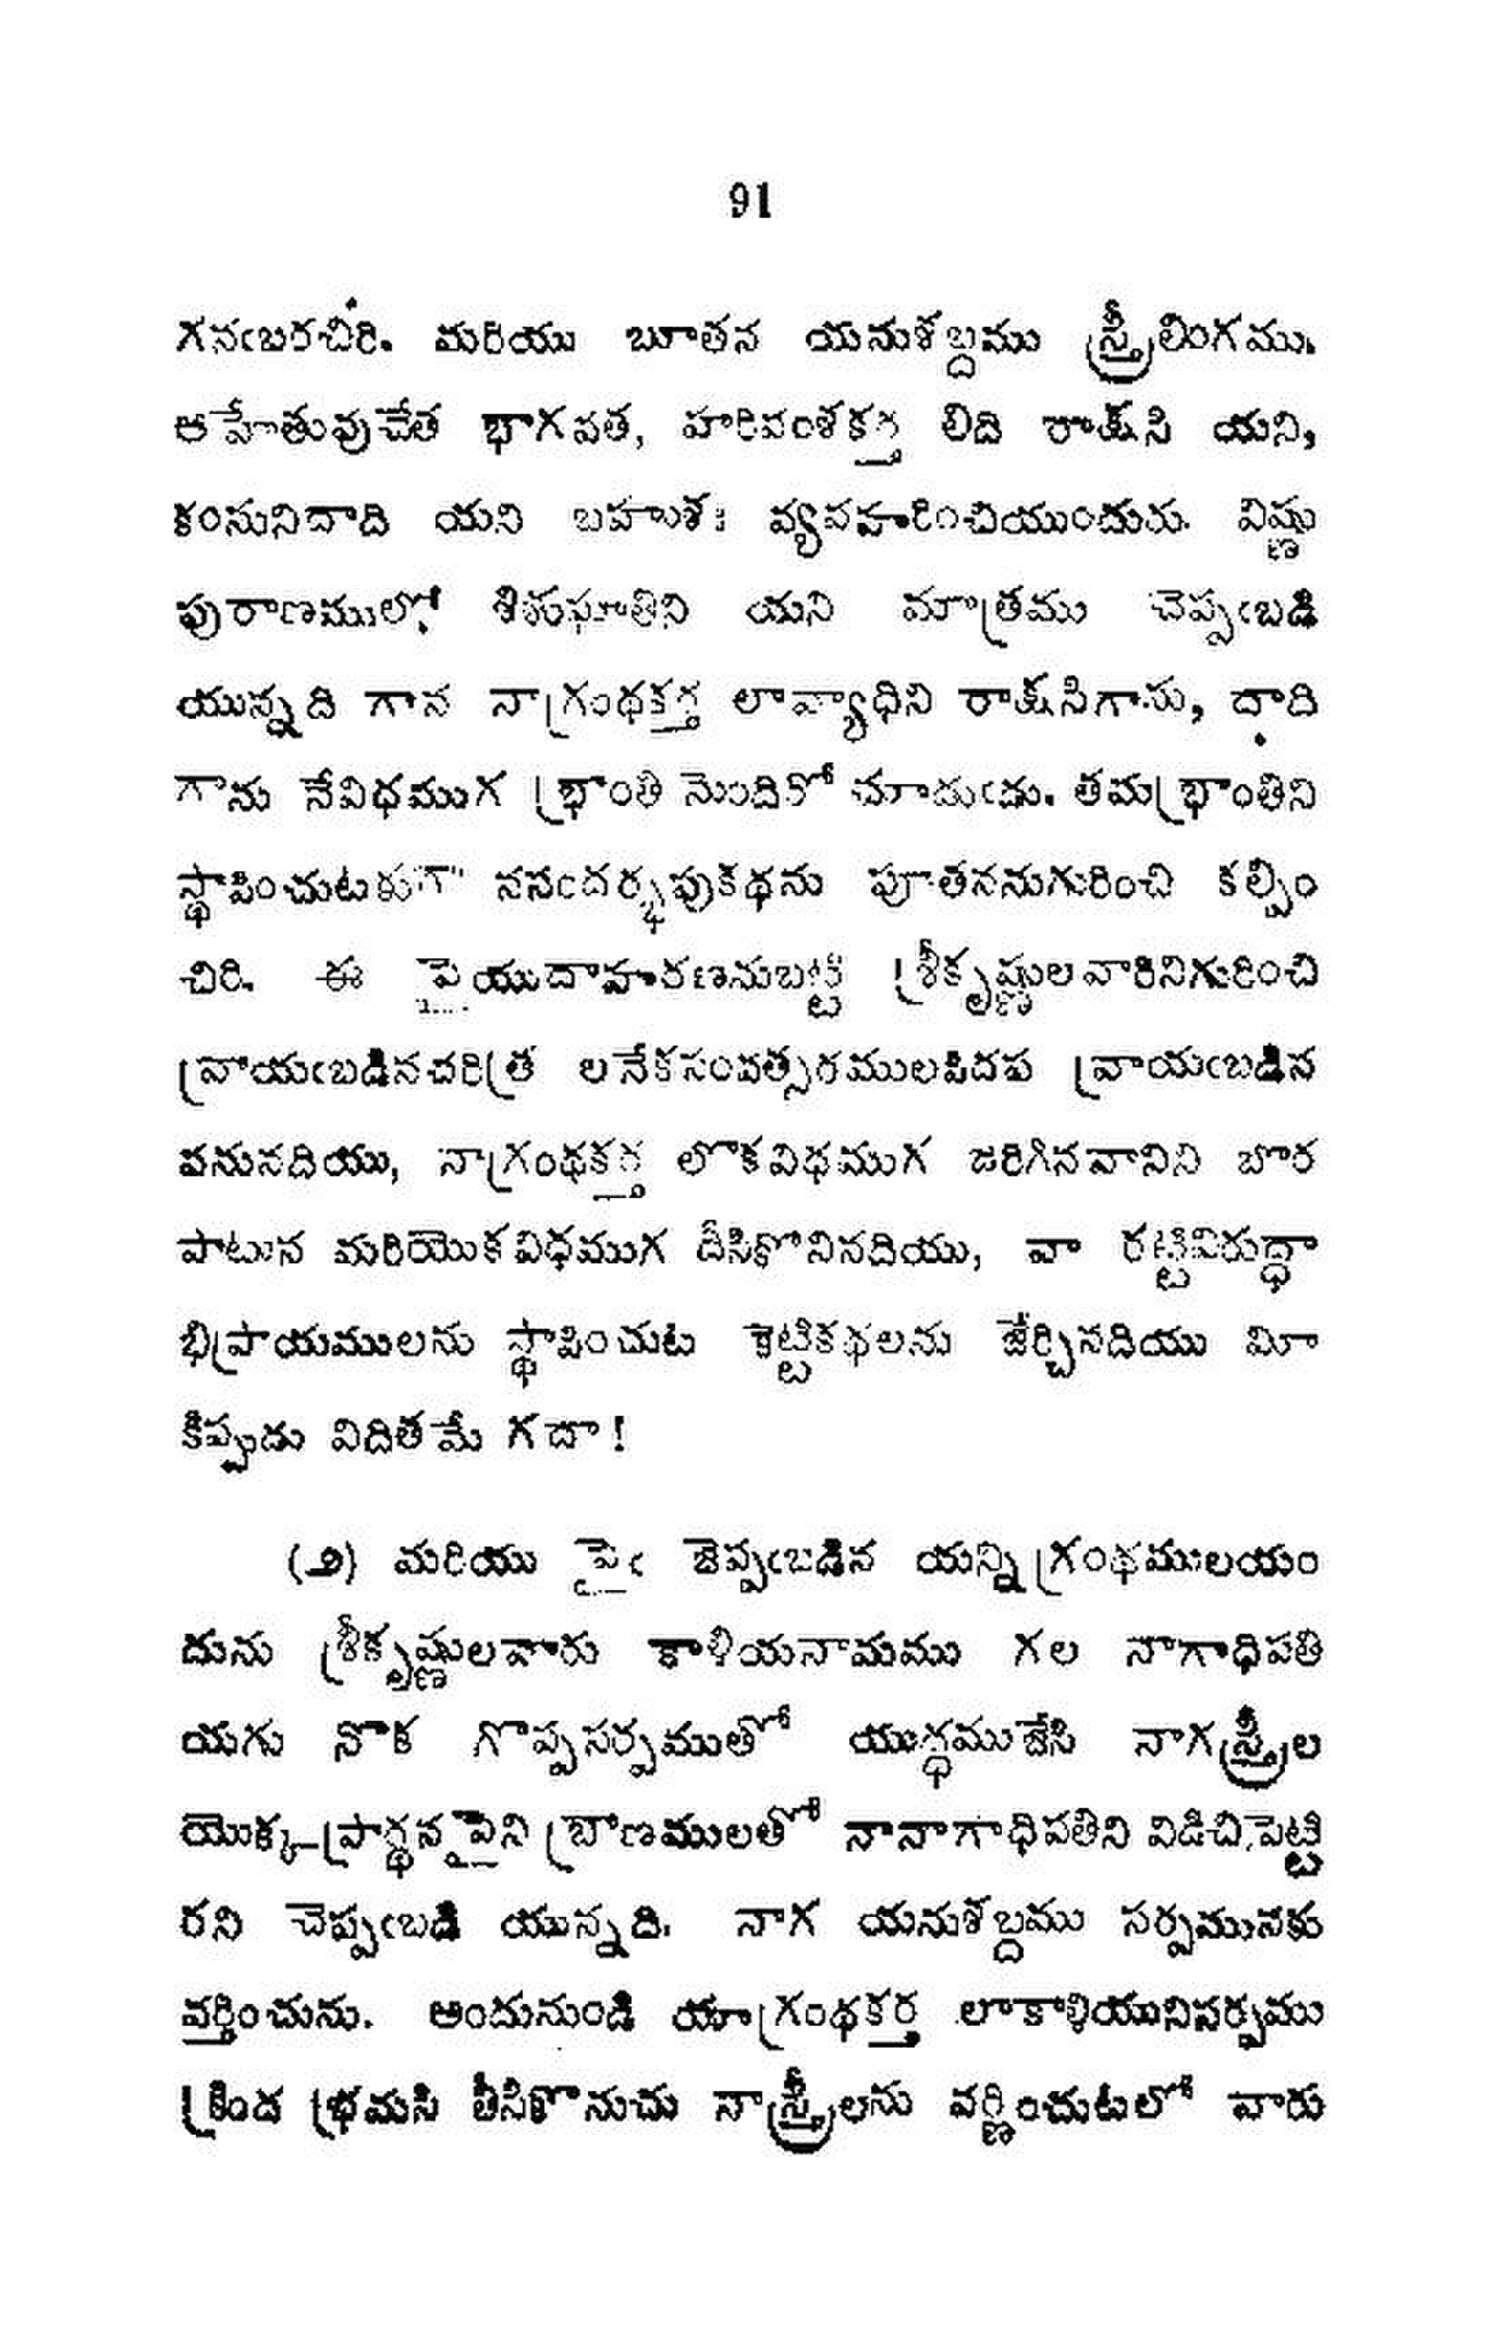గనఁబరచిరి. మరియు బూతన యనుశబ్దము స్త్రీలింగము. ఆహేతువుచేత భాగవత, హరివంశకర్త లిది రాక్షసి యని, కంసునిదాది యని బహుశ: వ్యవహరించియుందురు. విష్ణుపురాణములో శిశుఘాతిని యని మాత్రము చెప్పఁబడియున్నది గాన నాగ్రంథకర్త లావ్యాధిని రాక్షసిగాను, దాదిగాను నేవిధముగ భ్రాంతి నొందిరో చూడుఁడు. తమభ్రాంతిని స్థాపించుటకుగా నసందర్భపుకథను పూతననుగురించి కల్పించిరి. ఈ పైయుదాహరణనుబట్టి శ్రీకృష్ణులవారినిగురించి వ్రాయఁబడినచరిత్ర లనేకసంవత్సరములపిదప వ్రాయఁబడిన వనునదియు, నాగ్రంథకర్త లొకవిధముగ జరిగినవానిని బొరపాటున మరియొకవిధముగ దీసికొనినదియు, వా రట్టివిరుద్ధా భిప్రాయములను స్థాపించుట కెట్టికథలను జేర్చినదియు మీకిప్పుడు విదితమే గదా!

(2) మరియు పైఁ జెప్పఁబడిన యన్నిగ్రంథములయందును శ్రీకృష్ణులవారు కాళియనామము గల నాగాధిపతియగు నొక గొప్పసర్పముతో యుద్ధముజేసి నాగస్త్రీల యొక్క ప్రార్థనపైని బ్రాణములతో నానాగాధిపతిని విడిచిపెట్టిరని చెప్పఁబడి యున్నది. నాగ యనుశబ్దము సర్పమునకు వర్తించును. అందునుండి యాగ్రంథకర్త లాకాళియునిసర్పము క్రింద భ్రమసి తీసికొనుచు నాస్త్రీలను వర్ణించుటలో వారు